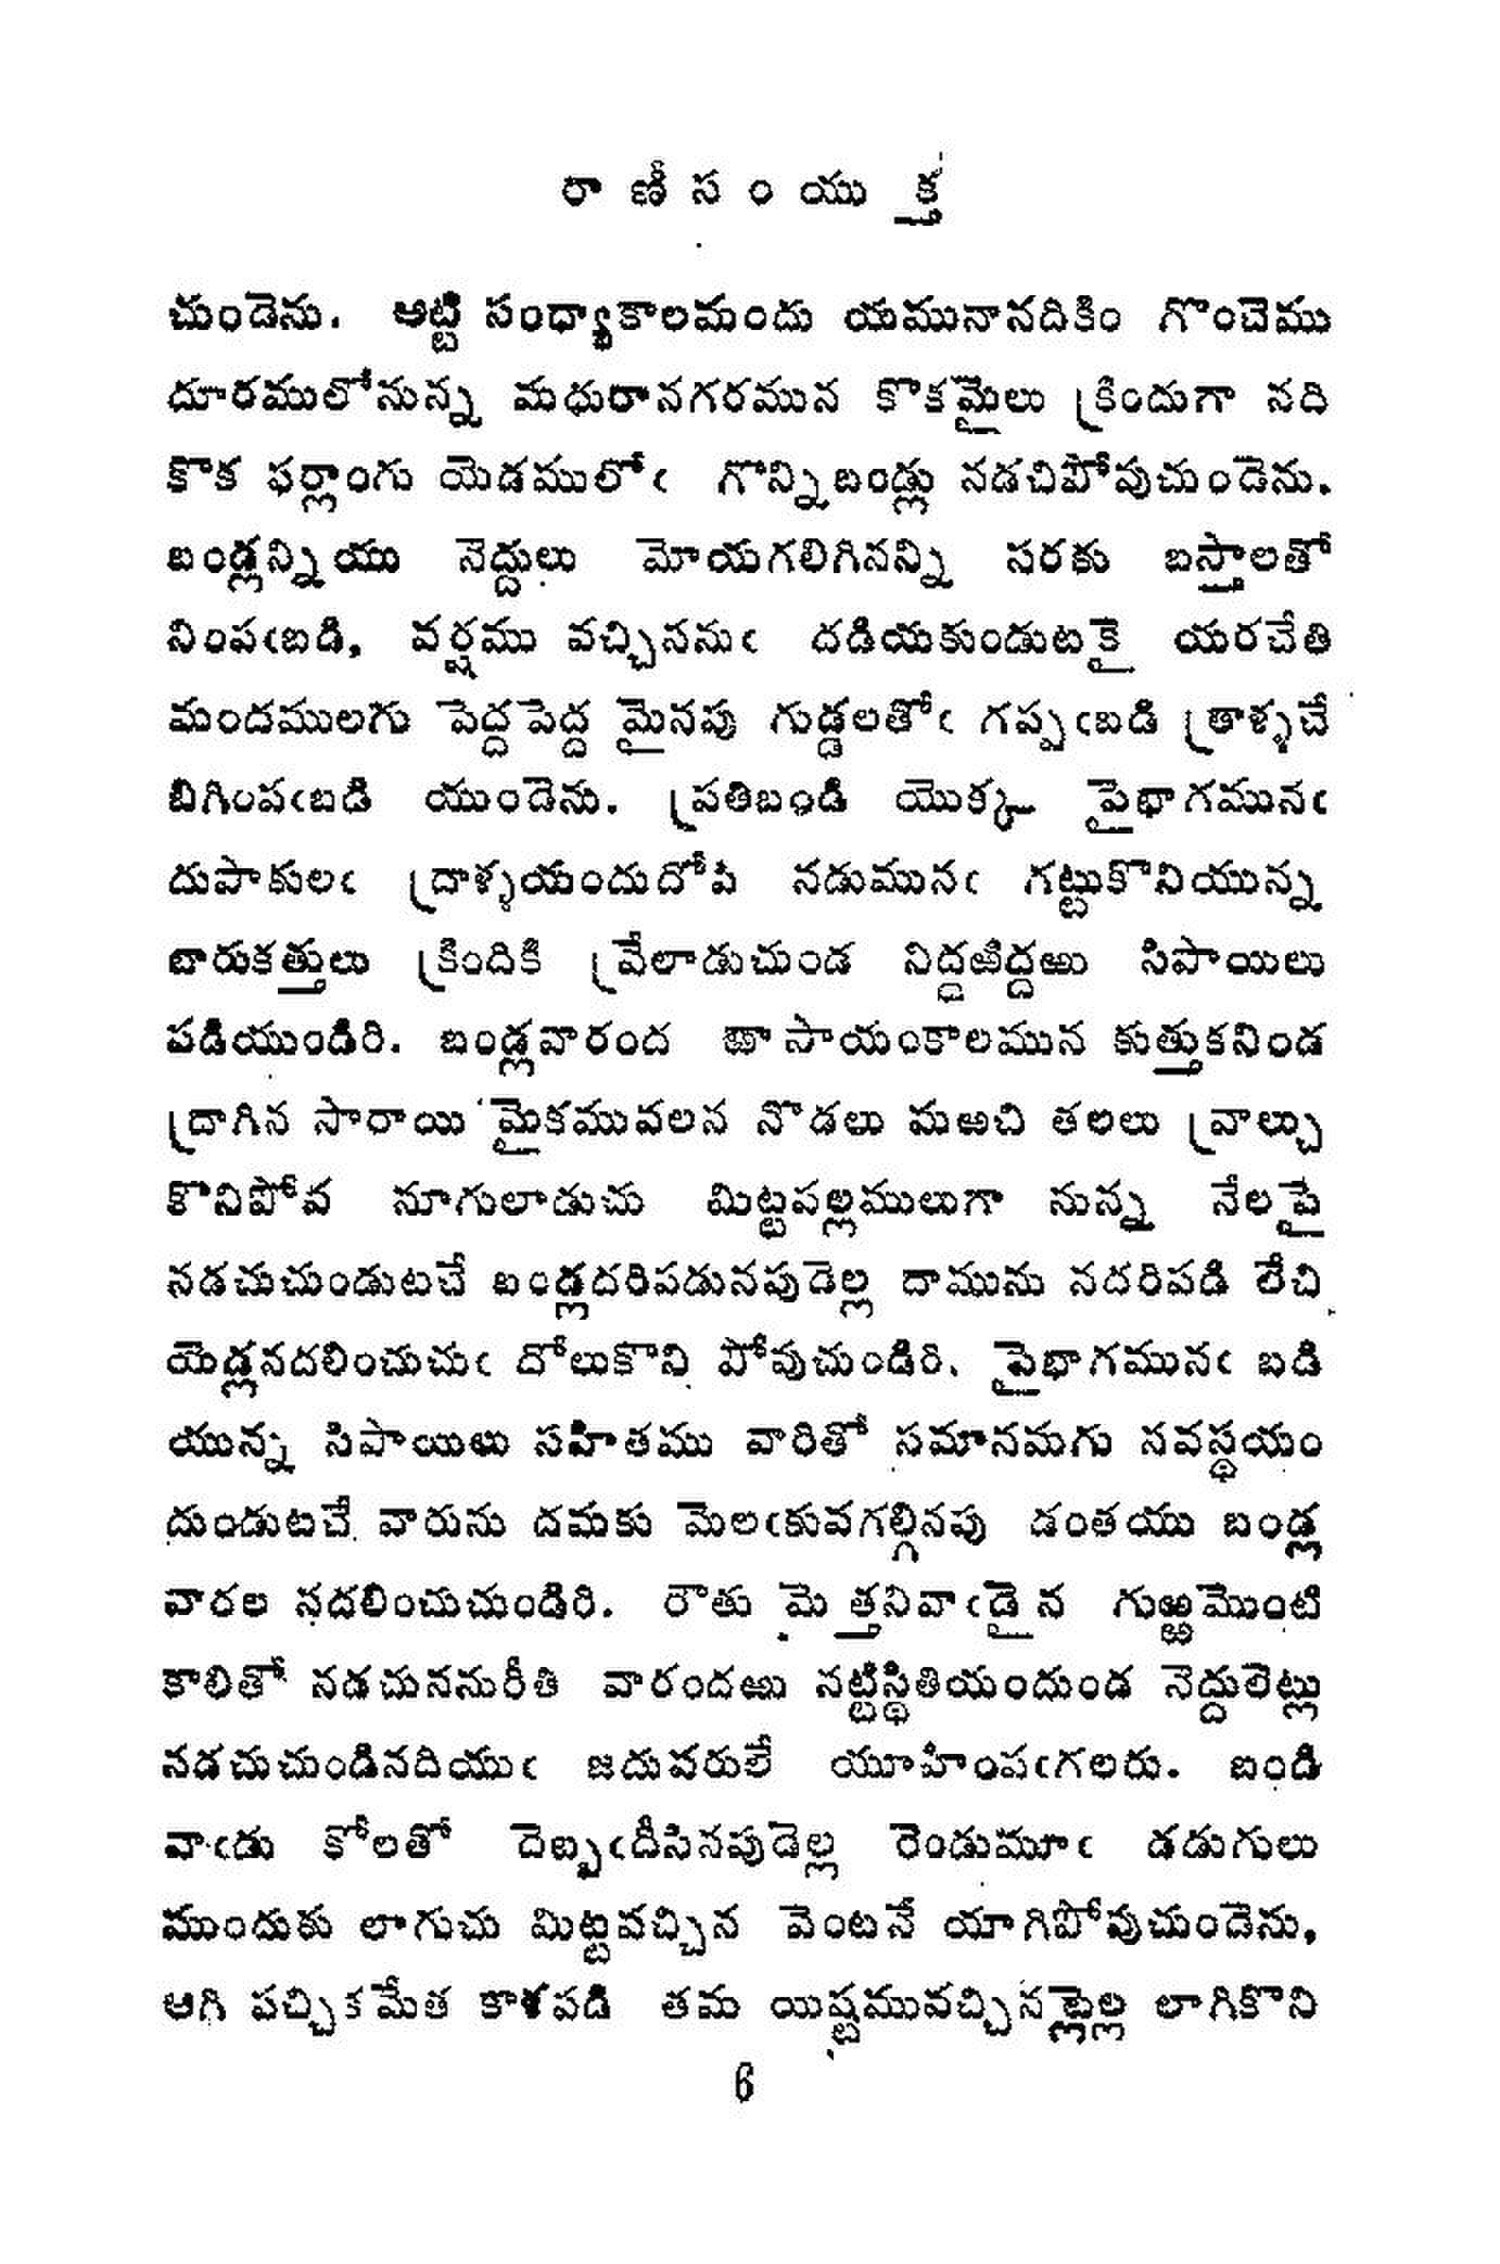చుండెను. అట్టి సంధ్యాకాలమందు యమునానదికిం గొంచెము దూరములోనున్న మధురానగరమున కొకమైలు క్రిందుగా నది కొక ఫర్లాంగు యెడములోఁ గొన్ని బండ్లు నడచిపోవుచుండెను. బండ్లన్నియు నెద్దులు మోయగలిగినన్ని సరకు బస్తాలతో నింపఁబడి, వర్షము వచ్చిననుఁ దడియకుండుటకై యరచేతి మందములగు పెద్ద పెద్ద మైనపు గుడ్డలతోఁ గప్పఁబడి త్రాళ్ళచే బిగింపఁబడి యుండెను. ప్రతిబండి యొక్క పైభాగమునఁ దుపాకులఁ ద్రాళ్ళయందుదోపి నడుమునఁ గట్టుకొనియున్న బారుకత్తులు క్రిందికి వేలాడుచుండ నిద్దఱిద్దఱు సిపాయిలు పడియుండిరి. బండ్లవారంద ఱాసాయంకాలమున కుత్తుకనిండ ద్రాగిన సారాయి 'మైకమువలన నొడలు మఱచి తలలు వ్రాల్చు కొనిపోవ నూగులాడుచు మిట్టపల్లములుగా నున్న నేలపై నడచుచుండుటచే బండ్లదరిపడునపుడెల్ల దామును నదరిపడి లేచి యెడ్లనదలించుచుఁ దోలుకొని పోవుచుండిరి. పైభాగమునఁ బడియున్న సిపాయిలు సహితము వారితో సమానమగు నవస్థయం దుండుటచే, వారును దమకు మెలఁకువగల్గినపు డంతయు బండ్ల వారల నదలించుచుండిరి. రౌతు మెత్తనివాఁడైన గుఱ్ఱమొంటి కాలితో నడచుననురీతి వారందఱు నట్టిస్థితియందుండ నెద్దులెట్లు నడచుచుండినదియుఁ జదువరులే యూహింపఁగలరు. బండివాడు కోలతో దెబ్బఁదీసినపుడెల్ల రెండుమూఁ డడుగులు ముందుకు లాగుచు మిట్టవచ్చిన వెంటనే యాగిపోవుచుండెను, ఆగి పచ్చికమేత కాశపడి తమ యిష్టమువచ్చినట్లెల్లలాగికొని